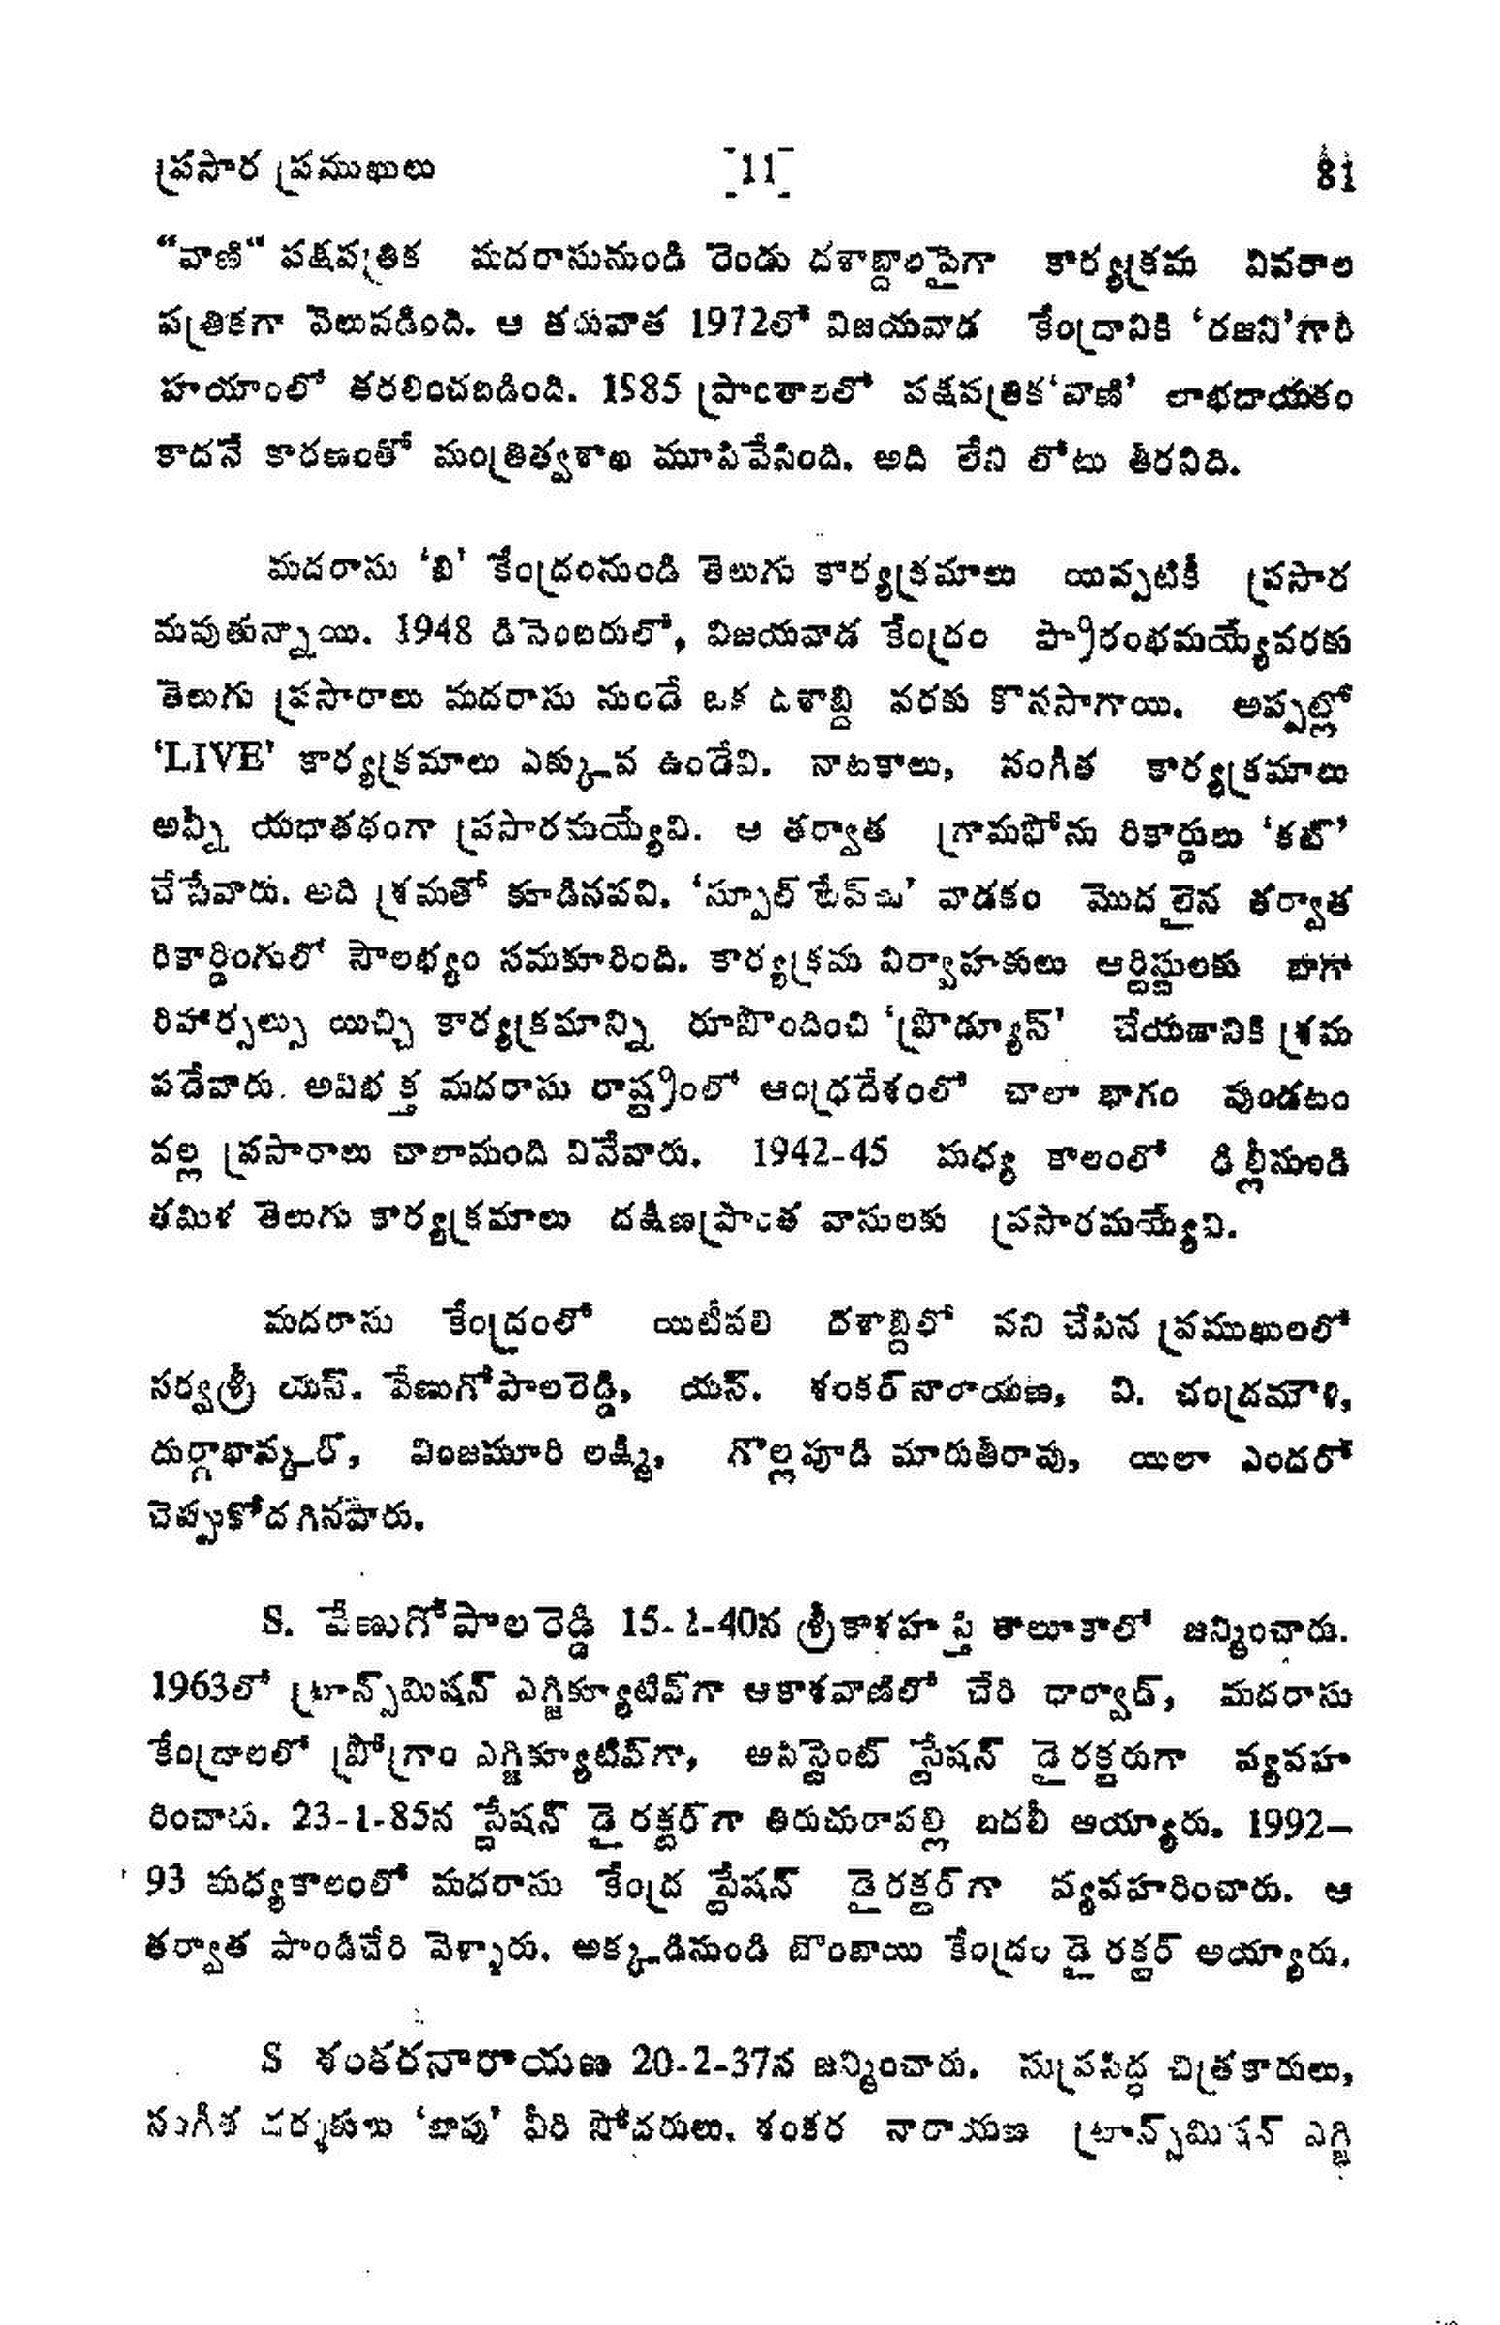"వాణి" పక్షపత్రిక మదరాసునుండి రెండు దశాబ్దాలపైగా కార్యక్రమ వివరాల పత్రికగా వెలువడింది. అ తరువాత 1972లో విజయవాడ కేంద్రానికి 'రజని'గారి హయాంలో తరలించబడింది. 1985 ప్రాంతాలలో పక్షపత్రిక 'వాణి' లాభదాయకం కాదనే కారణంతో మంత్రిత్వశాఖ మూసివేసింది. అది లేని లోటు తీరనిది.

మదరాసు 'బి' కేంద్రంనుండి తెలుగు కార్యక్రమాలు యిప్పటికీ ప్రసార మవుతున్నాయి. 1948 డిసెంబరులో, విజవాడ కేంద్ర ప్రారంభమయ్యేవరకు తెలుగు ప్రసారాలు మదరాసు నుండే ఒక దశాబ్ది వరకు కొనసాగాయి. అప్పట్లో 'LIVE' కార్యక్రమాలు ఎక్కువ ఉండేవి. నాటకాలు, సంగీత కార్యక్రమాలు అన్నీ యధాతథంగా ప్రసారమయ్యేవి. ఆ తర్వాత గ్రామపోను రికార్డులు 'కట్‌' చేసేవారు. అది శ్రమతో కూడినపని. 'స్పూల్ టేప్‌లు' వాడకం మొదలైన తర్వాత రికార్డింగులో సౌలభ్యం సమకూరింది. కార్యక్రమ నిర్వహకులు ఆర్టిస్టులకు బాగా రిహార్సల్సు యిచ్చి కార్యక్రమాన్ని రూపొందించి 'ప్రొడ్యూస్‌' చేయడానికి శ్రమపడేవారు. అవిభక్త మదరాసు రాష్ట్రంలో ఆంధ్రదేశంలో చాలా భాగం వుండటం వల్ల ప్రసారాలు చాలమంది వినేవారు. 1942-45 మధ్య కాలంలో ఢిల్లీనుండి తమిళ తెలుగు కార్యక్రమాలు దక్షిణప్రాంత వాసులకు ప్రసారమయ్యేవి.

మదరాసు కేంద్రంలో యిటీవలి దశాబ్దిలో పని చేసిన ప్రముఖులలో సర్వశ్రీ యస్. వేణుగోపాలరెడ్డి, యస్. శంకర్ నారాయణ, వి. చంద్రమౌళి, దుర్గాభాస్కర్, వింజమూరి లక్ష్మీ, గొల్లపూడి మారుతీరావు, యిలా ఎందరో చెప్పుకోదగినవారు.

S. వేణుగోపాల రెడ్డి 15-2-40న శ్రీకాళహస్తి తాలూకాలో జన్మించారు. 1963లో ట్రాన్స్‌మిషన్ ఎగ్జిక్యూటివ్‌గా ఆకాశవాణిలో చేరి దార్వాడ్, మదరాసు కేంద్రాలలో ప్రోగ్రాం ఎగ్జిక్యూటివ్‌గా, అసిస్టెంట్ స్టేషన్ డైరక్టరుగా వ్యవహరించారు. 23-1-85న స్టేషన్ డైరక్టర్‌గా తిరుచునాపల్లి బదిలీ అయ్యారు. 1992-93 మధ్య కాలంలో మదరాసు కేంద్ర స్టేషన్ డైరక్టర్‌గా వ్యవహరించారు. ఆ తర్వాత పాండిచేరి వెళ్ళారు. అక్కడినుండి బొంబాయి కేంద్రం డైరక్టర్ అయ్యారు.

S. శంకరనారాయణ 20-2-37న జన్మించారు. సుప్రసిద్ధ చిత్రకారులు, సంగీత దర్శకులు 'బాపు' వీరి సోదరులు. శంకర నారాయణ ట్రాన్స్‌మిషన్ ఎగ్జి